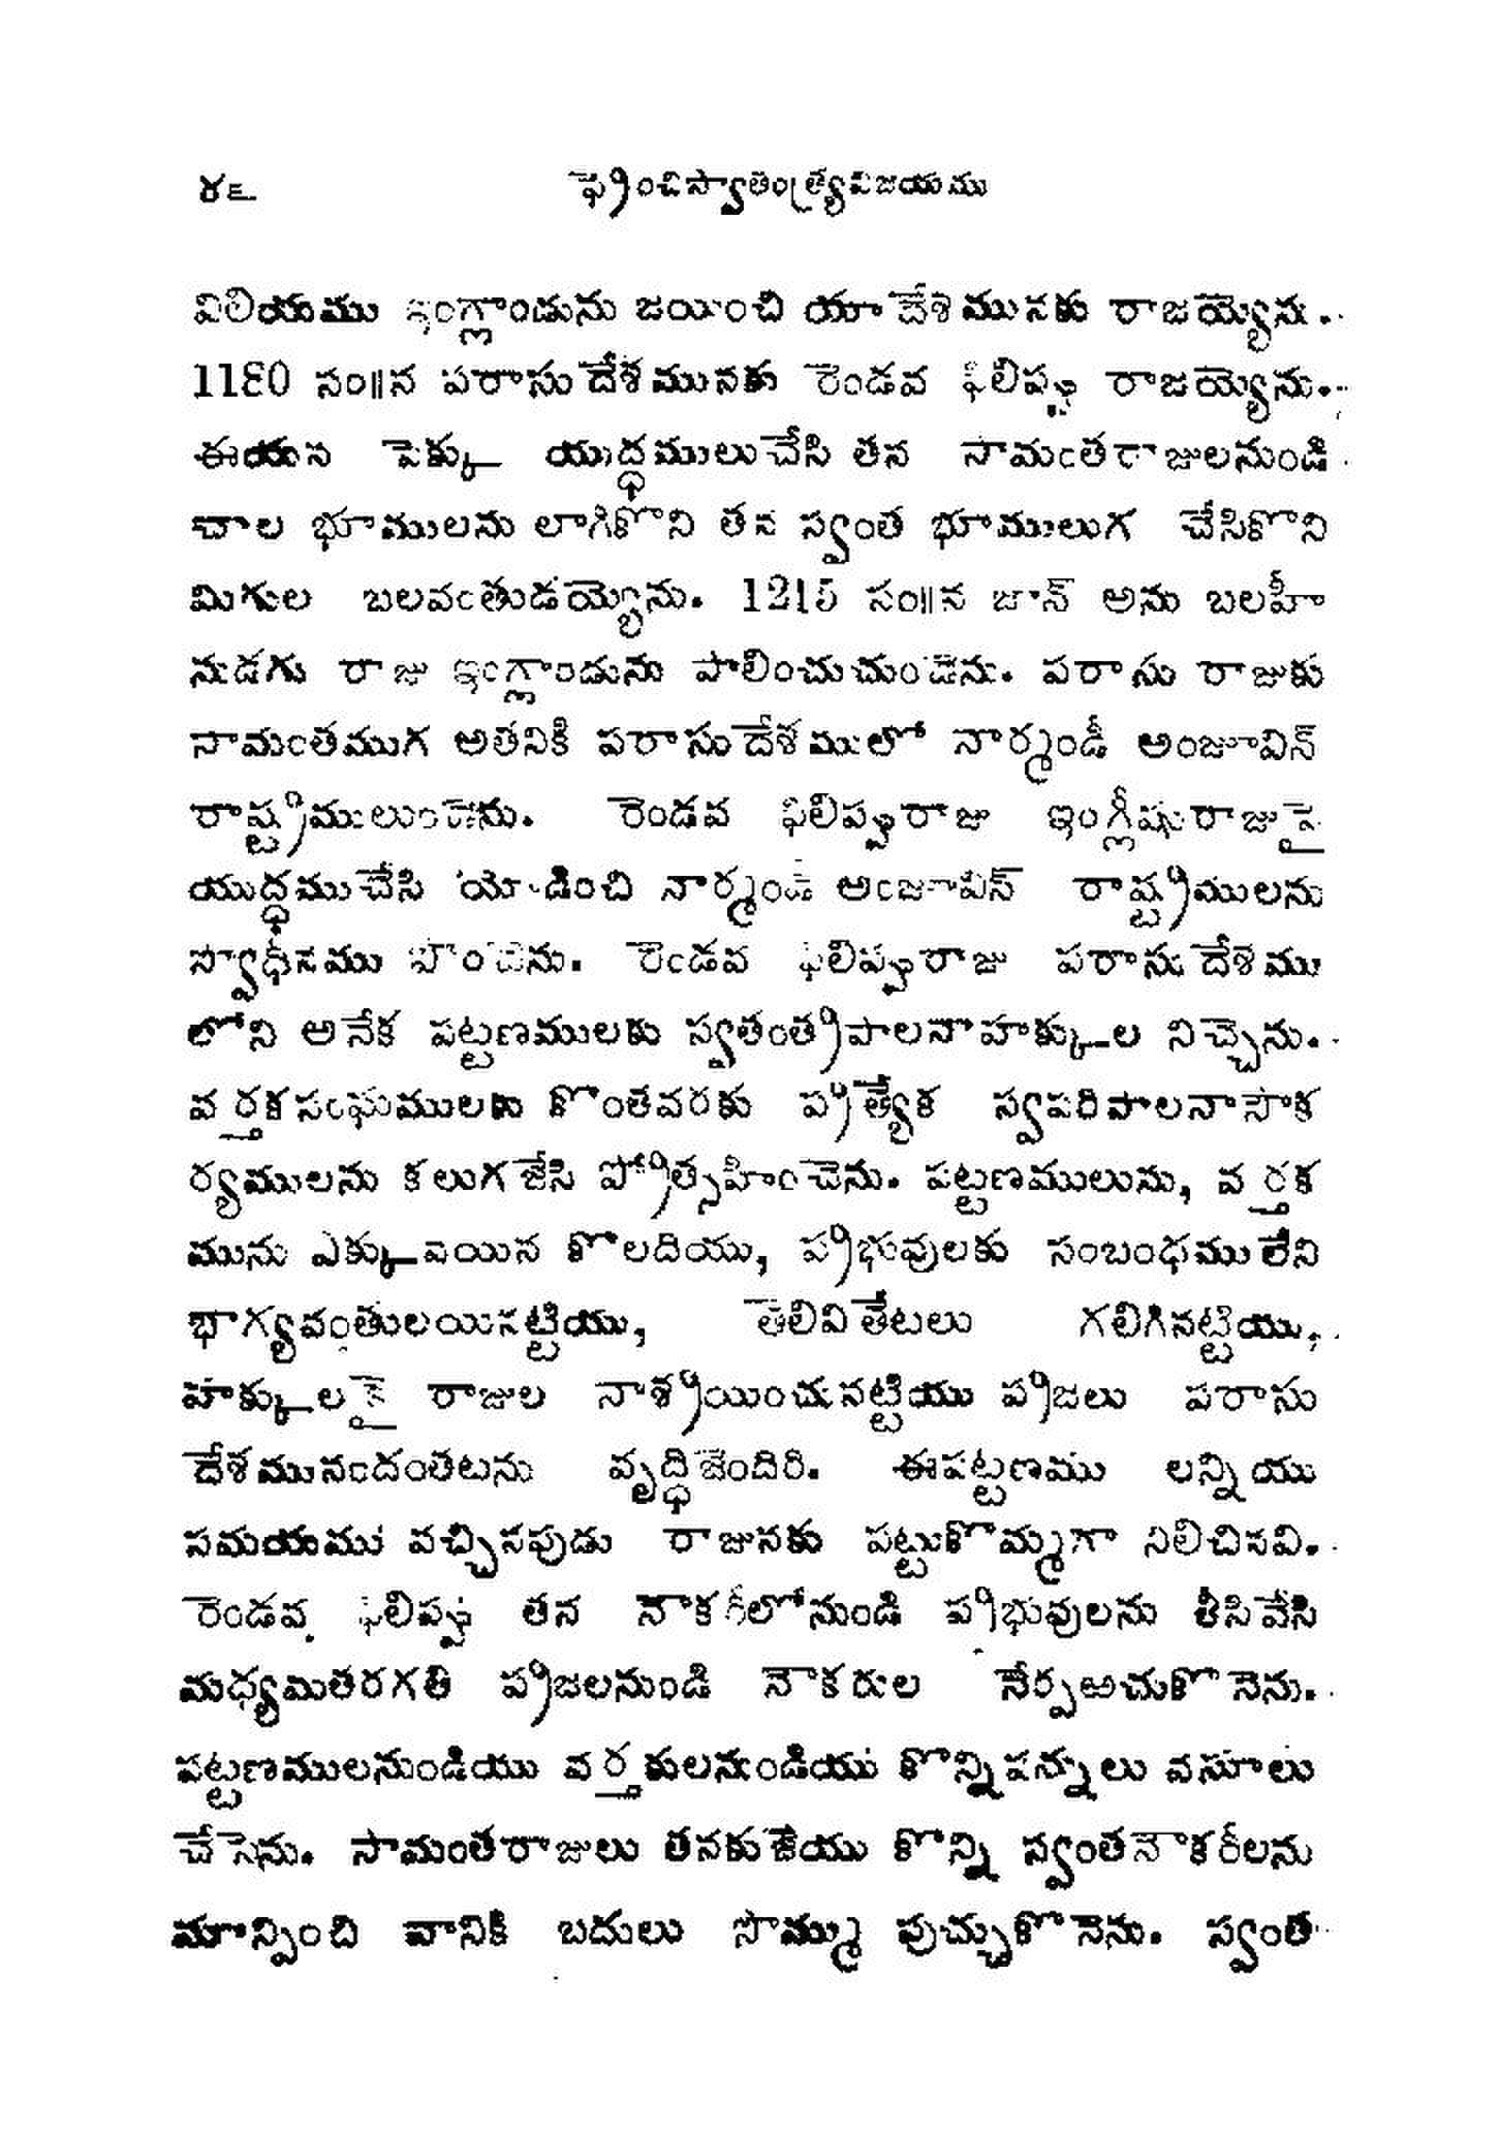విలియము ఇంగ్లాండును జయించి యా దేశమునకు రాజయ్యెను..
1180 సం||న పరాసు దేశమునకు రెండవ ఫిలిప్పు రాజయ్యెను.
ఈయన పెక్కు యుద్ధములు చేసి తన సామంత రాజులనుండి .
చాల భూములను లాగుకొని తన స్వంత భూములుగ చేసికొని
మిగుల బలవంతుడయ్యెను. 1215 సం|| న జాన్ అను బలహీ
సుడగు రాజు ఇంగ్లాండును పాలించుచుండెను. పరాసు రాజుకు
సామంతముగ అతనికి పరాసు దేశములో నార్మండీ అంజూవిన్
రాష్ట్రములుండెను. రెండవ ఫిలిప్పురాజు ఇంగ్లీషు రాజు పై
యుద్ధము చేసి యోడించి నార్మండ్ అంజూవిస్ రాష్ట్రములను
స్వాధీనము పొందెను. రెండవ ఫిలిప్పురాజు పరాసు దేశము
లోని అనేక పట్టణములకు స్వతంత్ర పాలనాహక్కుల నిచ్చెను. .
వర్తక సంఘములు కొంతవరకు ప్రత్యేక స్వపరిపాలనా సౌక
ర్యములను కలుగ జేసి ప్రోత్సహించెను. పట్టణములుసు, వర్తక
మును ఎక్కువెయిన కొలదియు, ప్రభువులకు సంబంధము లేని
భాగ్యవంతులయినట్టియు, తెలివి తేటలు గలిగినట్టియు, .
హక్కులపై రాజుల నాశ్రయించు నట్టియు ప్రజలు పరాసు
దేశమునందంతటను వృద్ధి జెందిరి. ఈపట్టణము లన్నియు
సమయము వచ్చినపుడు రాజునకు పట్టుకొమ్మగా నిలిచినవి. .
రెండవ ఫిలిప్పు తన నౌక రీలో నుండి ప్రభువులను తీసివేసి
మధ్య మతరగతి ప్రజలనుండి నౌకరుల నేర్పఱచుకొ నెను. .
పట్టణముల నుండియు వర్తకుల నుండియు కొన్నిపన్నులు వసూలు
చేసెను. సామంత రాజులు తనకు జేయు కొన్ని స్వంత నౌకరీలను
మాన్పించి వానికి బదులు సొమ్ము పుచ్చుకొ నెను. స్వంత